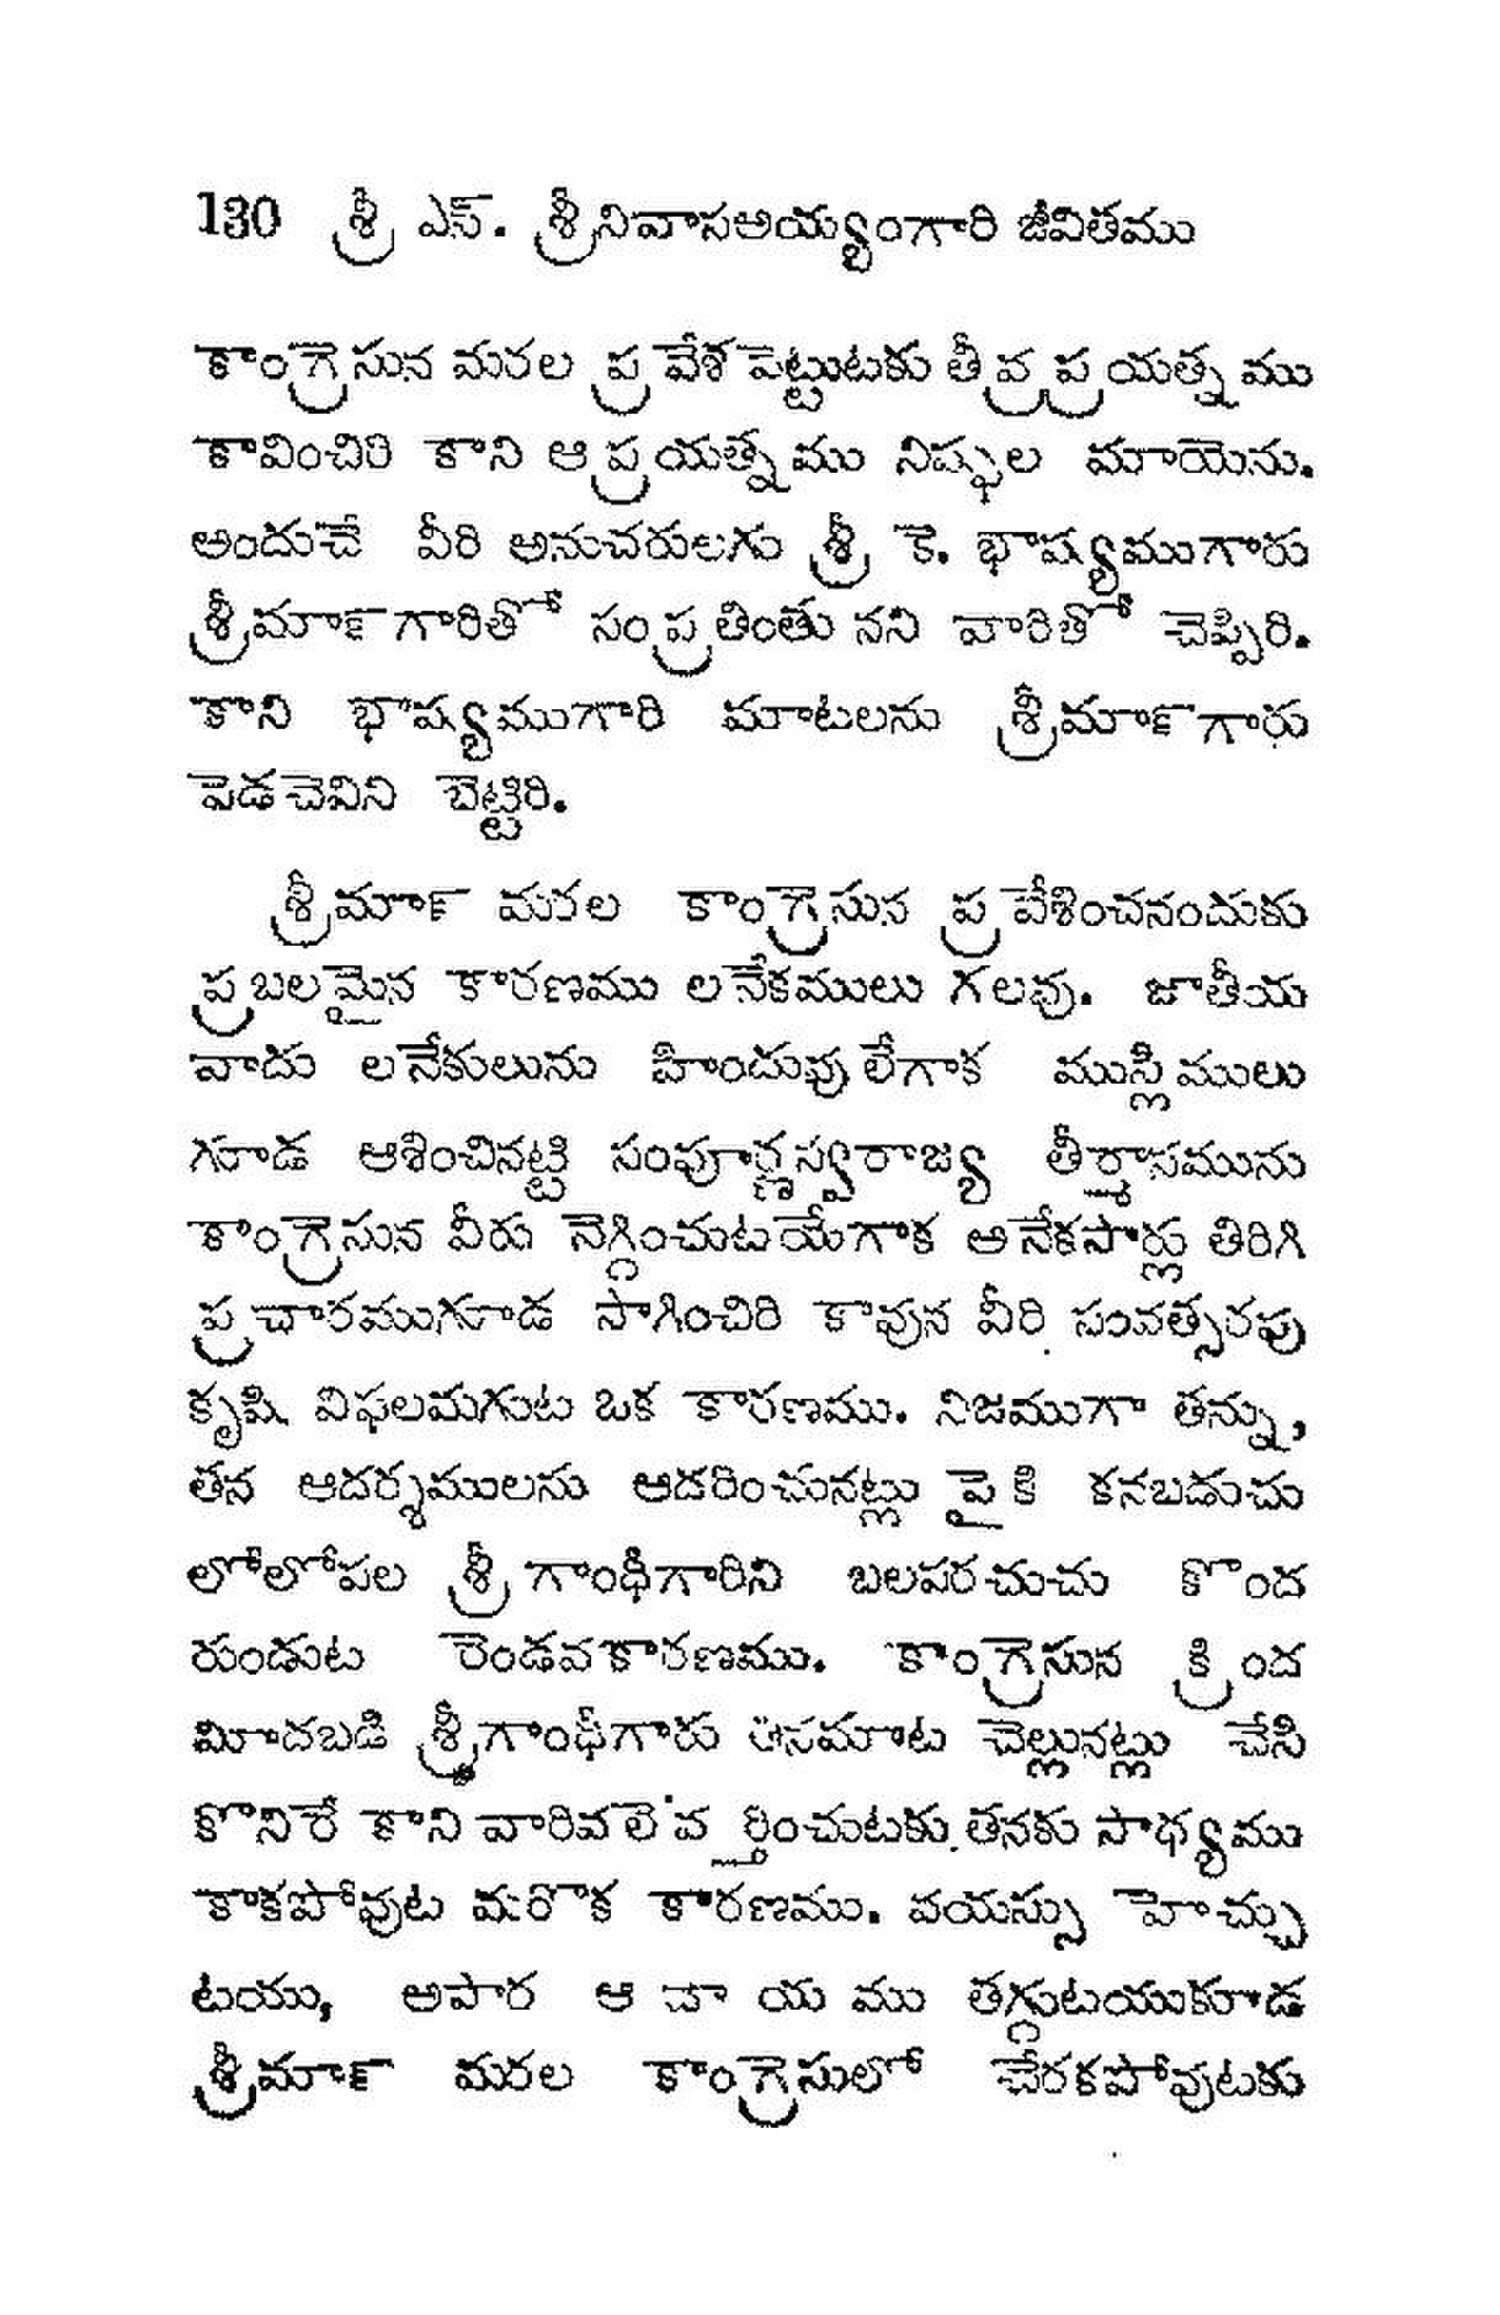కాంగ్రెసున మరల ప్రవేశపెట్టుటకు తీవ్రప్రయత్నము కావించిరి కాని ఆప్రయత్నము నిష్ఫల మాయెను. అందుచే వీరి అనుచరులగు శ్రీ కె. భాష్యముగారు శ్రీమా౯గారితో సంప్రతింతు నని వారితో చెప్పిరి. కాని భాష్యముగారి మాటలను శ్రీమా౯గారు పెడచెవిని బెట్టిరి.

శ్రీమా౯ మరల కాంగ్రెసున ప్రవేశించనందుకు ప్రబలమైన కారణము లనేకములు గలవు. జాతీయవాదు లనేకులును హిందువులేగాక ముస్లిములు గూడ ఆశించినట్టి సంపూర్ణస్వరాజ్య తీర్మానమును కాంగ్రెసున వీరు నెగ్గించుటయేగాక అనేకసార్లు తిరిగి ప్రచారముగూడ సాగించిరి కావున వీరి సంవత్సరపు కృషి, విఫలమగుట ఒక కారణము. నిజముగా తన్సు, తన ఆదర్శములను ఆదరించునట్లు పైకి కనబడుచు లోలోపల శ్రీగాంధీగారిని బలపరచుచు కొంద రుండుట రెండవకారణము. కాంగ్రెసున క్రింద మీదబడి శ్రీగాంధీగారు తనమాట చెల్లునట్లు చేసికొనిరే కాని వారివలెవర్తించుటకు తనకు సాధ్యము కాకపోవుట మరొక కారణము. వయస్సు హెచ్చుటయు, అపార ఆదాయము తగ్గుటయుకూడ శ్రీమా౯ మరల కాంగ్రెసులో చేరకపోవుటకు